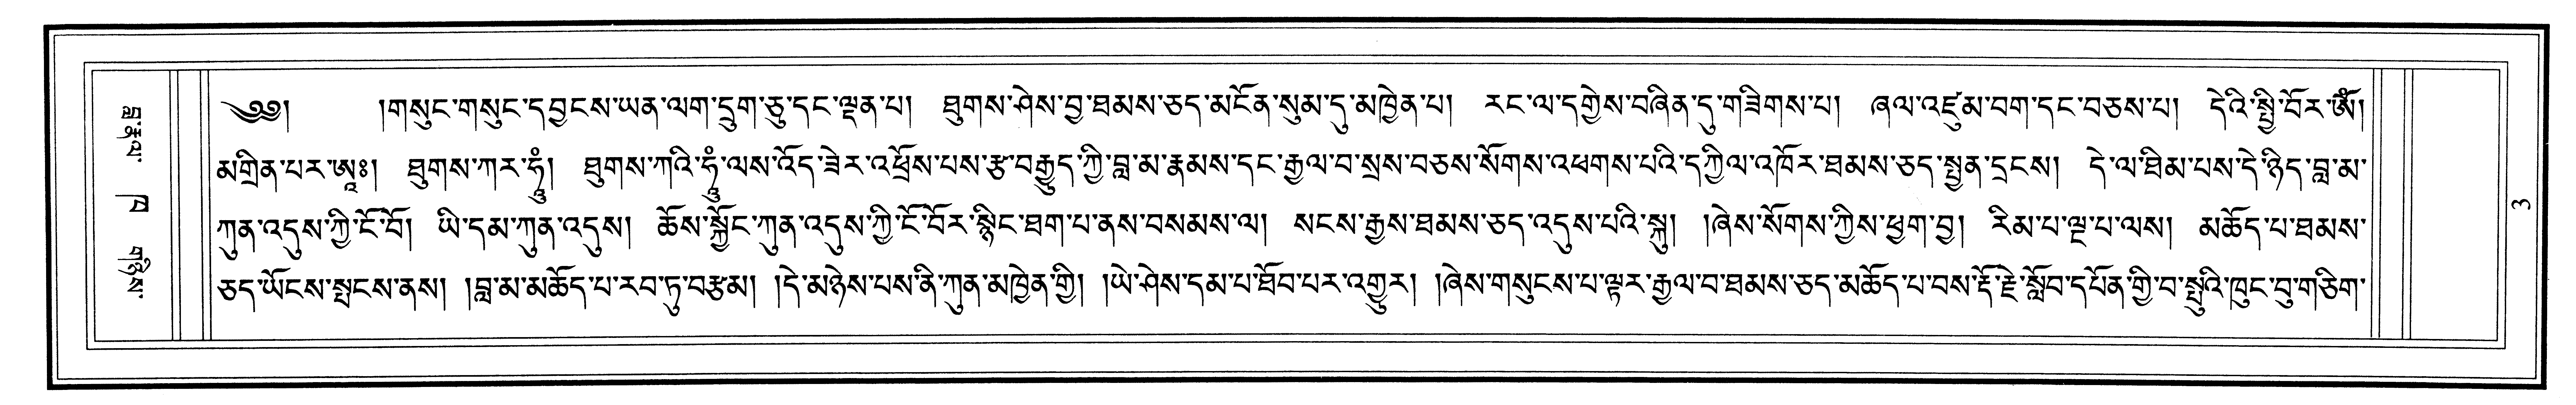༄༅། །གསུང་གསུང་དབྱངས་ཡན་ལག་དྲུག་ཅུ་དང་ལྡན་པ། ཐུགས་ཤེས་བྱ་ཐམས་ཅད་མངོན་སུམ་དུ་མཁྱེན་པ། རང་ལ་དགྱེས་བཞིན་དུ་གཟིགས་པ། ཞལ་འཛུམ་བག་དང་བཅས་པ། དེའི་སྤྱི་བོར་ཨོཾ།
མགྲིན་པར་ཨཱཿ། ཐུགས་ཀར་ཧཱུཾ། ཐུགས་ཀའི་ཧཱུཾ་ལས་འོད་ཟེར་འཕྲོས་པས་རྩ་བརྒྱུད་ཀྱི་བླ་མ་རྣམས་དང་རྒྱལ་བ་སྲས་བཅས་སོགས་འཕགས་པའི་དཀྱིལ་འཁོར་ཐམས་ཅད་སྤྱན་དྲངས། དེ་ལ་ཐིམ་པས་དེ་ཉིད་བླ་མ་
ཀུན་འདུས་ཀྱི་ངོ་བོ། ཡི་དམ་ཀུན་འདུས། ཆོས་སྐྱོང་ཀུན་འདུས་ཀྱི་ངོ་བོར་སྙིང་ཐག་པ་ནས་བསམས་ལ། སངས་རྒྱས་ཐམས་ཅད་འདུས་པའི་སྐུ། །ཞེས་སོགས་ཀྱིས་ཕྱག་བྱ། རིམ་པ་ལྔ་པ་ལས། མཆོད་པ་ཐམས་
ཅད་ཡོངས་སྤངས་ནས། །བླ་མ་མཆོད་པ་རབ་ཏུ་བརྩམ། །དེ་མཉེས་པས་ནི་ཀུན་མཁྱེན་གྱི། །ཡེ་ཤེས་དམ་པ་ཐོབ་པར་འགྱུར། །ཞེས་གསུངས་པ་ལྟར་རྒྱལ་བ་ཐམས་ཅད་མཆོད་པ་བས་རྡོ་རྗེ་སློབ་དཔོན་གྱི་བ་སྤུའི་ཁུང་བུ་གཅིག་